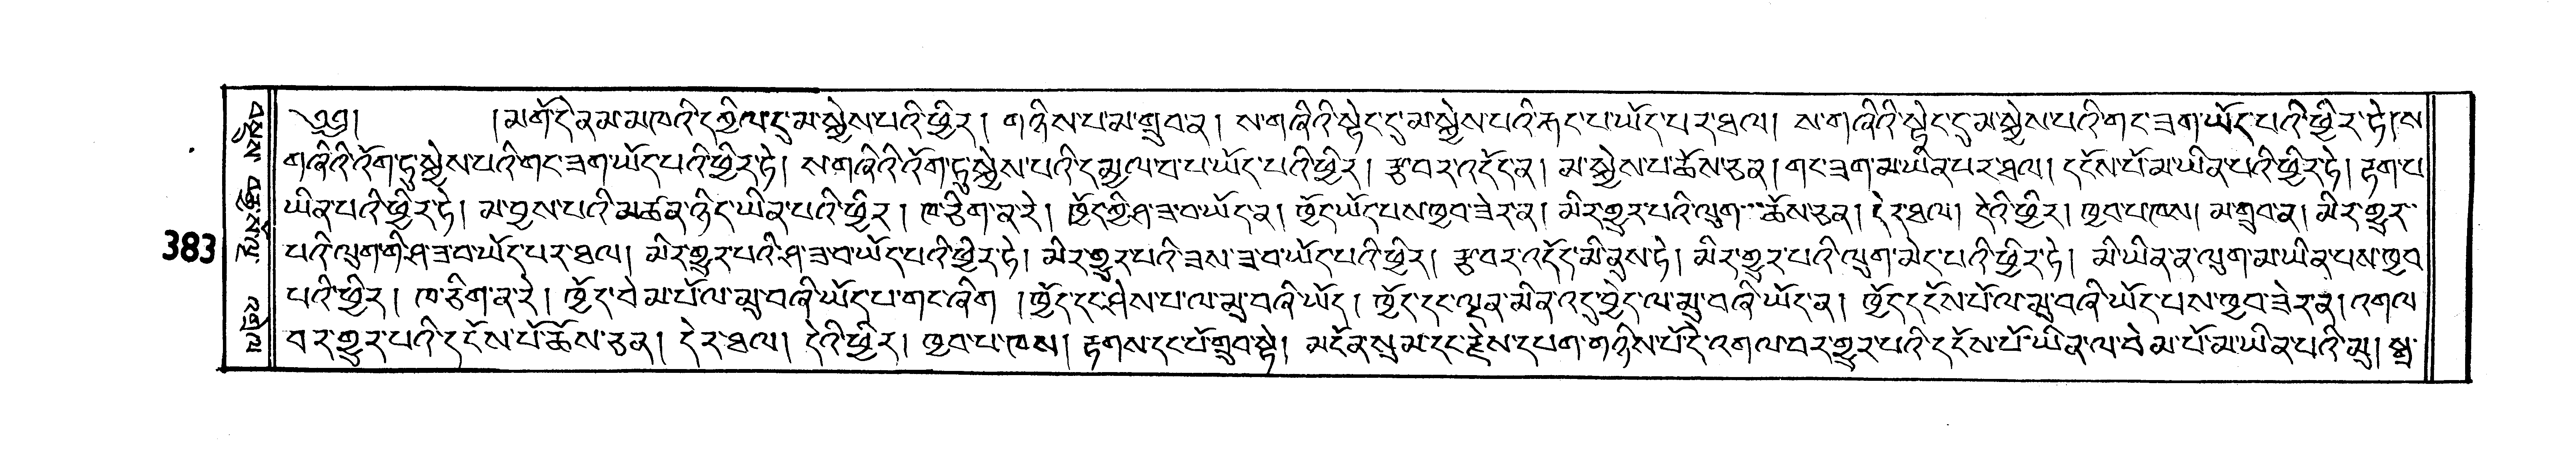༄༅། །མགོ་དེ་ནམ་མཁཱཨི་དཀིལ་དུ་མ་སྐྱེས་པའི་ཕྱིར། གཉིས་པ་མ་གྲུབ་ན། ས་གཞིའི་སྟེང་དུ་མ་སྐྱེས་པའི་རྐང་པ་ཡོད་པར་ཐལ། ས་གཟིའི་སྟེང་དུ་མ་སྐྱེས་པའི་གང་ཟག་ཡོད་པའི་ཕྱིར་ཏེ། ས་
གཞིའི་འོག་ཏུ་སྐྱེས་པའི་གང་ཟག་ཡོད་པའི་ཕྱིར་ཏེ། ས་གཞིའི་འོག་ཏུ་སྐྱེས་པའི་དམྱལ་བ་པ་ཡོད་པའི་ཕྱིར། རྩ་བར་འདོད་ན། མ་སྐྱེས་པ་ཆོས་ཅན། གང་ཟག་མ་ཡིན་པར་ཐལ། དངོས་པོ་མ་ཡིན་པའི་ཕྱིར་ཏེ། རྟག་པ་
ཡིན་པའི་ཕྱིར་ཏེ། མ་བྱས་པའི་མཚན་ཉིད་ཡིན་པའི་ཕྱིར། ཁ་ཅིག་ན་རེ། ཁྱོད་ཀྱི་ཤ་ཟ་བ་ཡོད་ན། ཁྱོད་ཡོད་པས་ཁྱབ་ཟེར་ན། མིར་གྱུར་པའི་ལུག་ཆོས་ཅན། དེར་ཐལ། དེའི་ཕྱིར། ཁྱབ་པ་ཁས། མ་གྲུབ་ན། མིར་གྱུར་
པའི་ལུག་གི་ཤ་ཟ་བ་ཡོད་པར་ཐལ། མིར་གྱུར་པའི་ཤ་ཟ་བ་ཡོད་པའི་ཕྱིར་ཏེ། མིག་གྱུར་པའི་ཟས་ཟ་བ་ཡོད་པའི་ཕྱིར། རྩ་བར་འདོད་མི་ནུས་ཏེ། མིར་གྱུར་པའི་ལུག་མེད་པའི་ཕྱིར་ཏེ། མི་ཡིན་ན་ལུག་མ་ཡིན་པས་ཁྱབ་
པའི་ཕྱིར། ཁ་ཅིག་ན་རེ། ཁྱོད་བེམ་པོ་ལ་མུ་བཞི་ཡོད་པ་གང་ཞིག། ཁྱོད་དྣག་ཤེས་པ་ལ་མུ་བཞི་ཡོད། ཁྱོད་དྣག་ལྡན་མིན་འདུ་བྱེད་ལ་ཨམུ་བཞི་ཡོད་ན། ཁྱོད་དངོས་ཨོཔ་ལ་མུ་བཞི་ཡོད་པས་ཁྱབ་ཟེར་ན། འགལ་
བར་གྱུར་པའི་དངོས་པོ་ཆོས་ཅན། དེར་ཐལ། དེའི་ཕྱིར། ཁྱབ་པ་ཁས། རྟགས་དང་པོ་གྲུབ་སྟེ། མངོན་སུམ་དང་རྗེས་དཔག་གཉིས་པོ་དེ་འགལ་བར་གྱུར་པའི་དངོས་པོ་ཡིན་པ་ལ་བེམ་པོ་མ་ཡིན་པའི་མུ། སྒྲ་